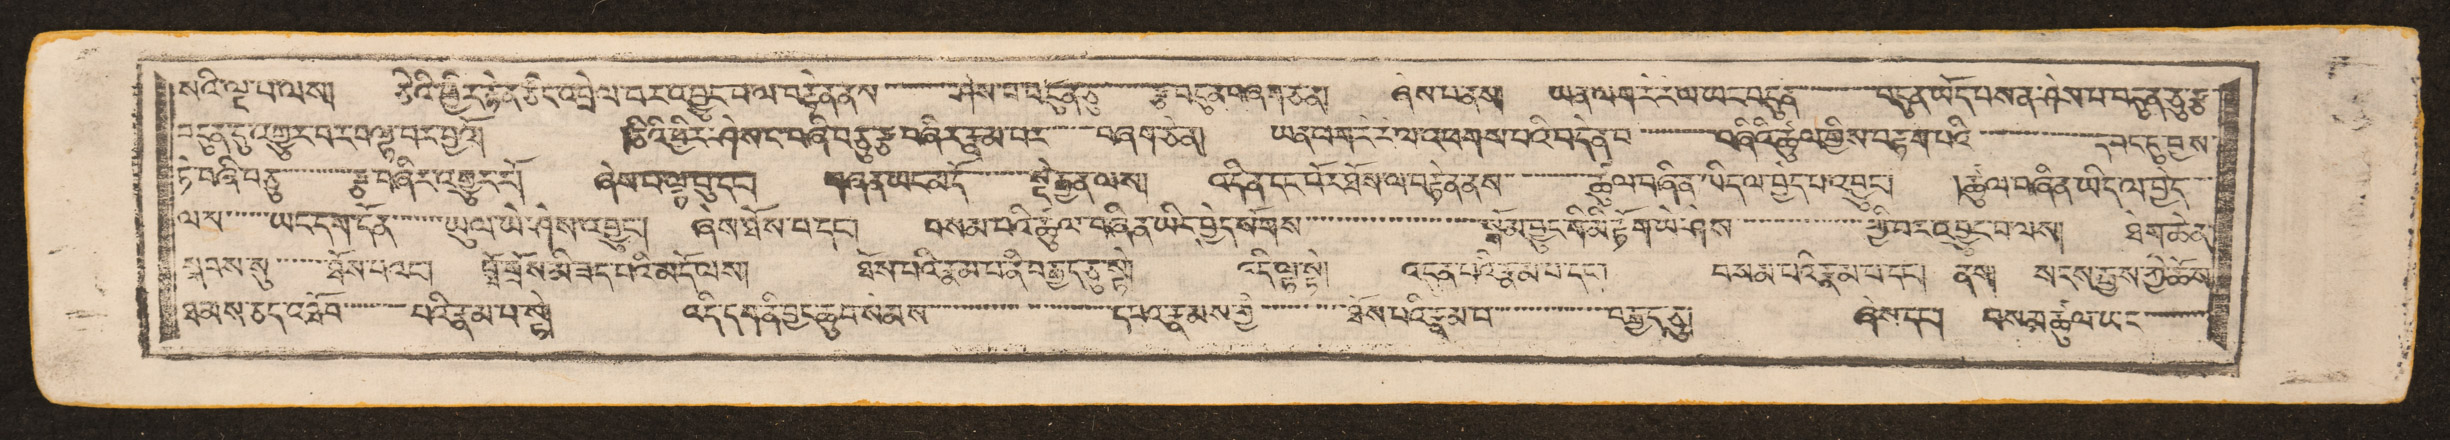སའི་ལྔ་པ་ལས། ཅིའི་ཕྱིར་རྟེན་ཅིང་འབྲེལ་བར་འབྱུང་བ་ལ་བརྟེན་ནས་ཤེས་བ་བདུན་ཅུ་རྩ་བདུན་བཞག་ཙ་ན། ཞེས་པ་ནས། ཡན་ལག་རེ་རེ་ལ་ཡང་བདུན་བདུན་ཡོད་པས་ན་ཤེས་པ་བདུན་ཅུ་རྩ་
བདུན་དུ་འགྱུར་བར་བལྟ་བར་བྱའོ། །ཅིའི་ཕྱིར་ཤེས་པ་བཞི་བཅུ་རྩ་བཞིར་རྣམ་པར་བཞག་ཅེ་ན། ཡན་ལག་རེ་རེ་ལ་འཕགས་པའི་བདེན་པ་བཞིའི་ཚུལ་གྱིས་བརྟག་པའི་དབང་དུ་བྱས་
ཏེ་བཞི་བཅུ་རྩ་བཞིར་འགྱུར་རོ། ཞེས་པ་ལྟ་བུ་དང་། གཞན་ཡང་མདོ་སྡེ་རྒྱན་ལས། འདི་ན་དང་པོར་ཐོས་ལ་བརྟེན་ནས་ཚུལ་བཞིན་ཡིད་ལ་བྱེད་པ་འབྱུང་། །ཚུལ་བཞིན་ཡིད་ལ་བྱེད་
ལས་ཡང་དག་དོན་ཡུལ་ཡེ་ཤེས་འབྱུང་། ཞེས་ཐོས་པ་དང་། བསམ་པའི་ཚུལ་བཞིན་ཡིད་བྱེད་སོགས་སྒོམ་བྱུང་གི་མི་རྟོག་ཡེ་ཤེས་ཀྱི་བར་འབྱུང་བ་ལས། ཐེག་ཆེན་
སྐབས་སུ་ཐོས་པའང་། བློ་གྲོས་མི་ཟད་པའི་མདོ་ལས། ཐོས་པའི་རྣམ་པ་ནི་བརྒྱད་ཅུ་སྟེ། འདི་ལྟ་སྟེ། འདུན་པའི་རྣམ་པ་དང་། བསམ་པའི་རྣམ་པ་དང་། ནས། སངས་རྒྱས་ཀྱི་ཆོས་
ཐམས་ཅད་འཐོབ་པའི་རྣམ་པ་སྟེ། འདི་དག་ནི་བྱང་ཆུབ་སེམས་དཔའ་རྣམས་ཀྱི་ཐོས་པའི་རྣམ་པ་བརྒྱད་ཅུ། ཞེས་དང་། བསམ་ཚུལ་ཡང་